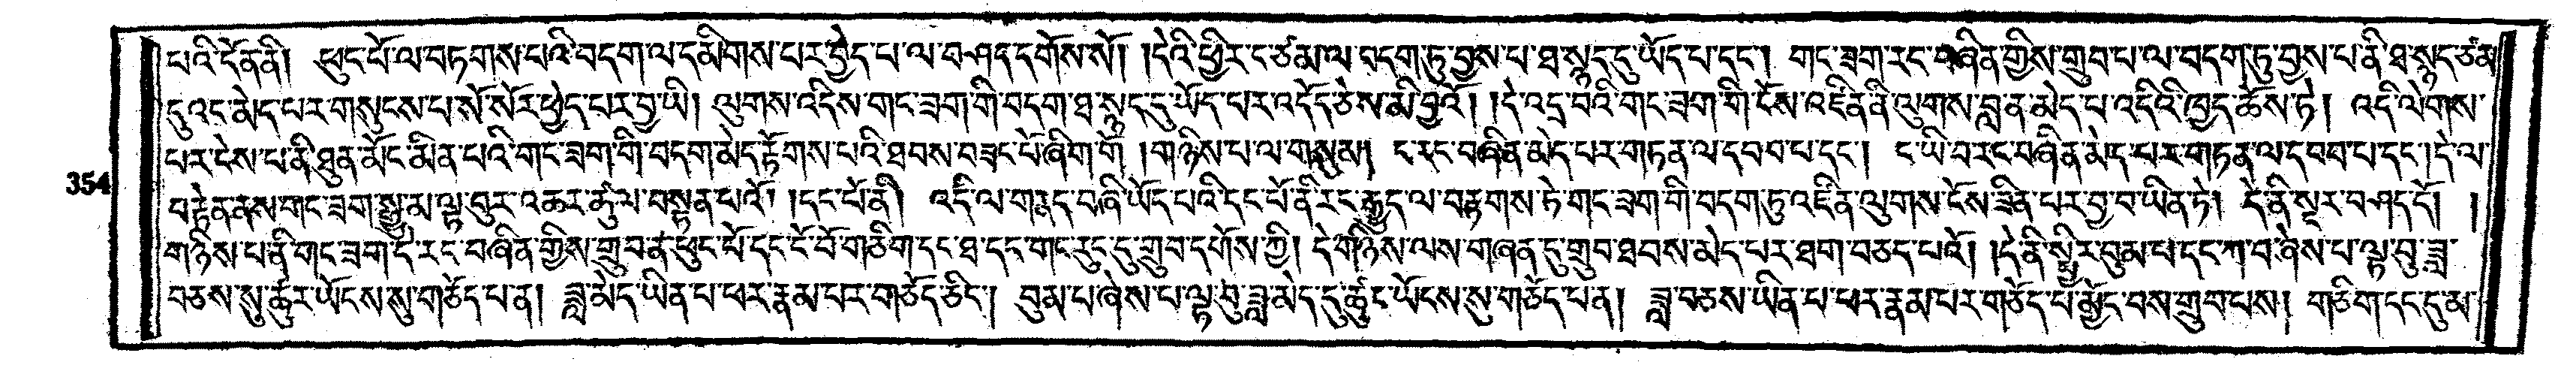པའི་དོན་ནི། ཕུང་པོ་ལ་བཏགས་པའི་བདག་ལ་དམིགས་པར་བྱེད་པ་ལ་བཤད་དགོས་སོ། །དེའི་ཕྱིར་ང་ཙམ་ལ་བདག་ཏུ་བྱས་པ་ཐ་སྙད་དུ་ཡོད་པ་དང་། གང་ཟག་རང་བཞིན་གྱིས་གྲུབ་པ་ལ་བདག་ཏུ་བྱས་པ་ནི་ཐ་སྙད་ཙམ་
དུའང་མེད་པར་གསུངས་པ་སོ་སོར་ཕྱེད་པར་བྱ་ཡི། ལུགས་འདིས་གང་ཟག་གི་བདག་ཐ་སྙད་དུ་ཡོད་པར་འདོད་ཅེས་མི་བྱའོ། །དེ་འདྲ་བའི་གང་ཟག་གི་ངོས་འཛིན་ནི་ལུགས་བླ་ན་མེད་པ་འདིའི་ཁྱད་ཆོས་ཏེ། འདི་ལེགས་
པར་ངེས་པ་ནི་ཐུན་མོང་མིན་པའི་གང་ཟག་གི་བདག་མེད་རྟོགས་པའི་ཐབས་བཟང་པོ་ཞིག་གོ། །གཉིས་པ་ལ་གསུམ། ང་རང་བཞིན་མེད་པར་གཏན་ལ་དབབ་པ་དང་། ང་ཡི་བ་རང་བཞིན་མེད་པར་གཏན་ལ་དབབ་པ་དང་། དེ་ལ་
བརྟེན་ནས་གང་ཟག་སྒྱུ་མ་ལྟ་བུར་འཆར་ཚུལ་བསྟན་པའོ། །དང་པོ་ནི། འདི་ལ་གནད་བཞི་ཡོད་པའི་དང་པོ་ནི་རང་རྒྱུད་ལ་བརྟགས་ཏེ་གང་ཟག་གི་བདག་ཏུ་འཛིན་ལུགས་ངོས་ཟིན་པར་བྱ་བ་ཡིན་ཏེ། དེ་ནི་སྔར་བཤད་དོ། །
གཉིས་པ་ནི་གང་ཟག་དེ་རང་བཞིན་གྱིས་གྲུབ་ན་ཕུང་པོ་དང་ངོ་བོ་གཅིག་དང་ཐ་དང་གང་རུང་དུ་གྲུབ་དགོས་ཀྱི། དེ་གཉིས་ལས་གཞན་དུ་གྲུབ་ཐབས་མེད་པར་ཐག་བཅད་པའོ། །དེ་ནི་སྤྱིར་བུམ་པ་དང་ཀ་བཞེས་པ་ལྟ་བུ་ཟླ་
བཅས་སུ་ཚུར་ཡོངས་སུ་གཅོད་པ་ན། ཟླ་མེད་ཡིན་པ་ཕར་རྣམ་པར་གཅོད་ཅིང་། བུམ་པ་ཞེས་པ་ལྟ་བུ་ཟླ་མེད་དུ་ཚུང་ཡོངས་སུ་གཅོད་པ་ན། ཟླ་བཅས་ཡིན་པ་ཕར་རྣམ་པར་གཅོད་པ་མྱོང་བས་གྲུབ་པས། གཅིག་དང་དུ་མ་